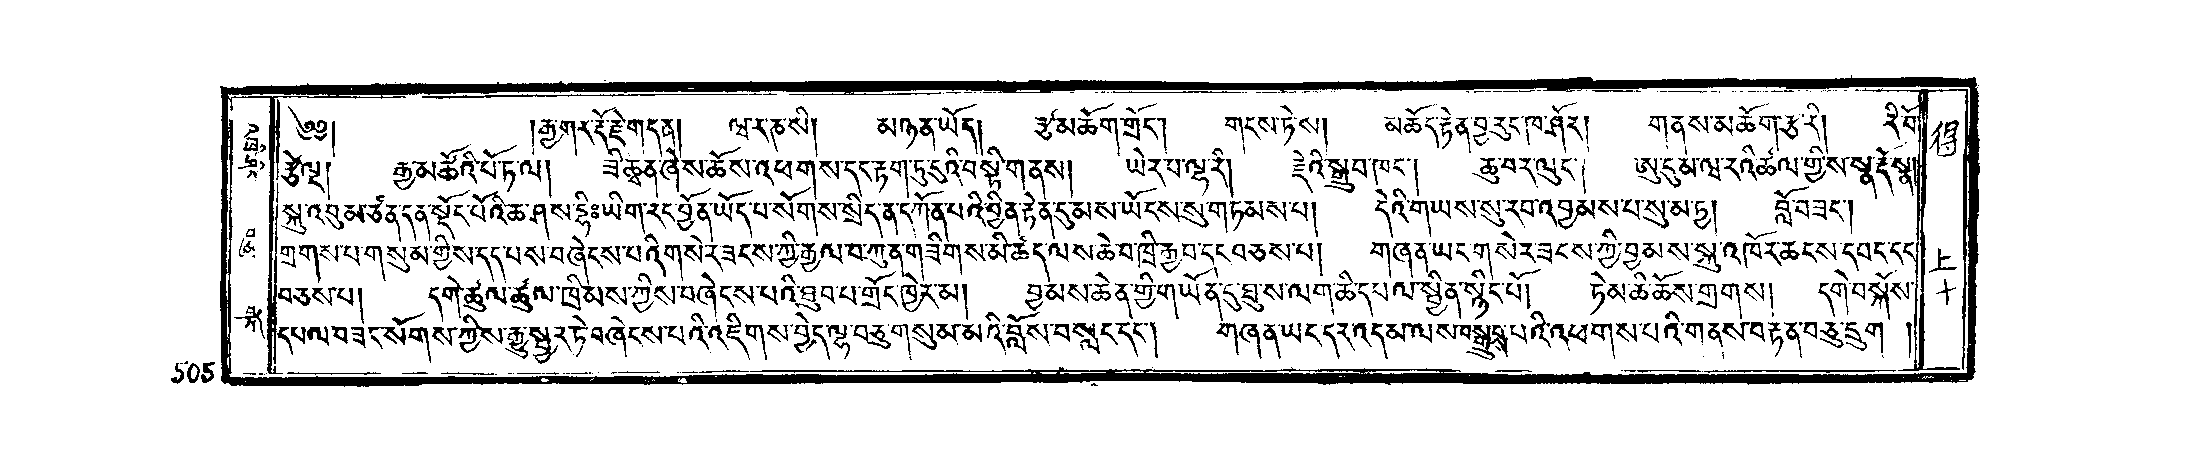༄༅། །རྒྱ་གར་རྡོ་རྗེ་གདན། ཝ་ར་ཎ་སི། མཉན་ཡོད། རྩ་མཆོག་གྲོང་། གངས་ཏེ་ས། མཆོད་རྟེན་བྱ་རུང་ཁ་ཤོར། གནས་མཆོག་རྩ་རི། རི་བོ་
རྩེ་ལྔ། རྒྱ་མཚོའི་པོ་ཏ་ལ། ཟི་ཆྭན་ཞེས་ཆོས་འཕགས་དང་རྟག་ཏུ་ངུའི་བསྟི་གནས། ཡེར་པ་ལྷ་རི། རྗེའི་སྒྲུབ་ཁང་། ཆུ་བར་ལུང་། ཨུ་དུམ་ཝ་རའི་ཚལ་གྱི་ས་སྣ་རྡོ་སྣ།
སྐུ་འབུམ་ཙན་དན་སྡོང་པོའི་ཆ་ཤས་དྷིཿ ཡིག་རང་བྱོན་ཡོད་པ་སོགས་སྲིད་ན་དཀོན་པའི་བྱིན་རྟེན་དུ་མས་ཡོངས་སུ་གཏམས་པ། དེའི་གཡས་སུ་རབ་འབྱམས་པ་སུ་མ་ཏྱ། བློ་བཟང་།
གྲགས་པ་གསུམ་གྱིས་དད་པས་བཞེངས་པའི་གསེར་ཟངས་ཀྱི་རྒྱལ་བ་ཀུན་གཟིགས་མི་ཚད་ལས་ཆེ་བ་ཁྲི་རྒྱབ་དང་བཅས་པ། གཞན་ཡང་གསེར་ཟངས་ཀྱི་བྱམས་སྐུ་འཁོར་ཚངས་དབང་དང་
བཅས་པ། དགེ་ཚུལ་ཚུལ་ཁྲིམས་ཀྱིས་བཞེངས་པའི་ཐུབ་པ་གྲོང་ཁྱེར་མ། བྱམས་ཆེན་གྱི་གཡོན་དུ་ཐུ་ས་ལག་ཆི་དཔལ་སྦྱིན་སྙིང་པོ། ཏེམ་ཆི་ཆོས་གྲགས། དགེ་བསྐོས་
དཔལ་བཟང་སོགས་ཀྱིས་རྒྱུ་སྦྱར་ཏེ་བཞེངས་པའི་འཇིགས་བྱེད་ལྷ་བཅུ་གསུམ་མའི་བློས་བསླང་དང་། གཞན་ཡང་དར་འདམ་ལས་བསྒྲུབས་པའི་འཕགས་པའི་གནས་བརྟན་བཅུ་དྲུག །